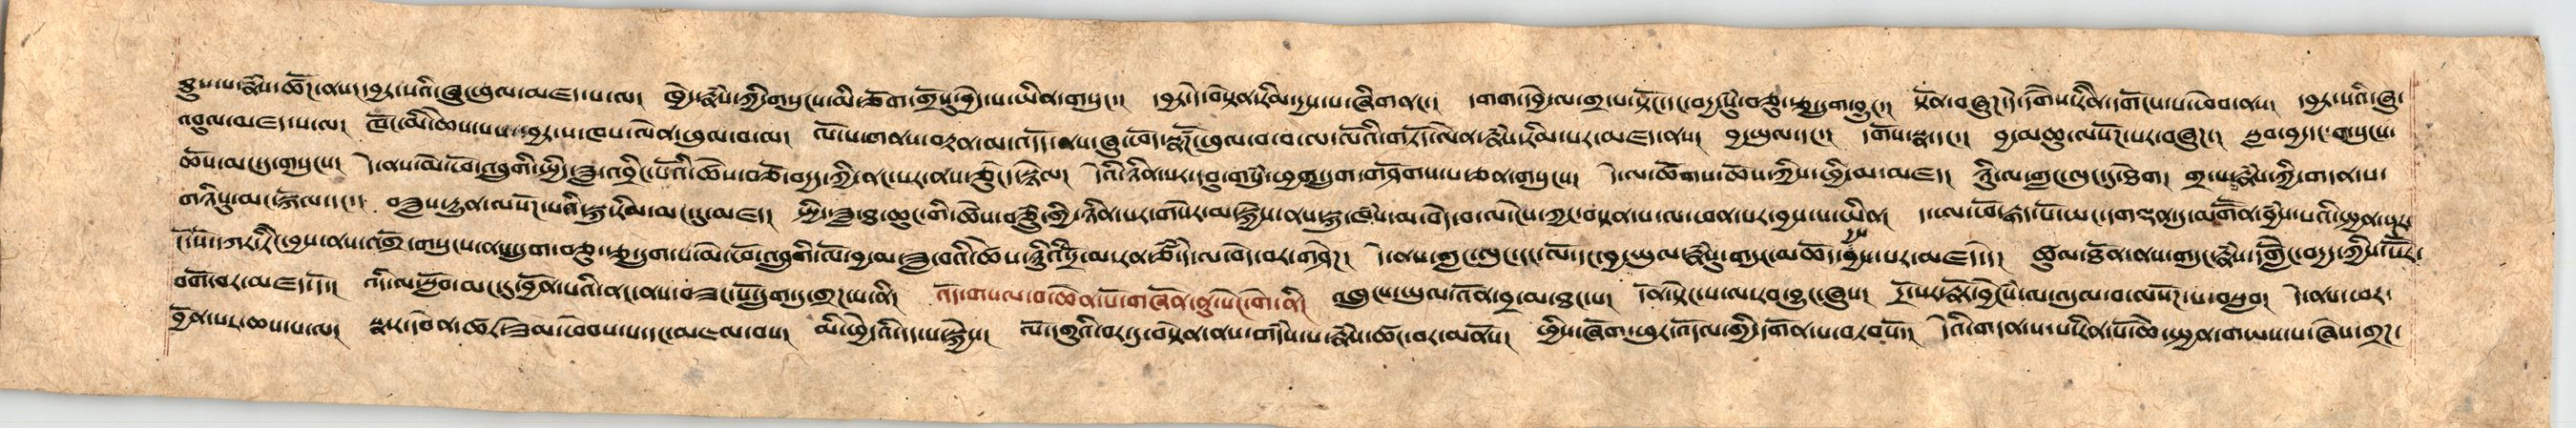ཐུབ་པ་རྣཾས་ཚོཌ་ནས།་དབྱར་སའི་ཞུ་ཕུལ་མཛད་པ་ལ། ཁྱེད་རྣཾས་ཀྱི་གསུངས་མི་ཅོག་གྲོསུ་བྱེད་པ་ཡིན་གསུང་། དབྱར་དེ་བསྟེན་རིམ་དྱས་པ་ཞིགནང་། དགག་དབྱེ་ལ་གྲ་པ་སྟོང་དང་བདྱ་སུཾ་བཅུ་རྩ་དྲུག་བྱུང་། སྟོན་བཞུཌ་དེ་དགཻས་རིནེ་དགོངས་པ་ཕེབ་ནས། དབྱར་སའི་ཞུ་
འབུལ་མཛད་པ་ལ། ཁོང་མི་ཆེས་པས་དབྱར་ས་ཁས་ལེན་ཕུལ་བ་ལ། ལོ་ས་གནས་བསྟན་མ་འདོད་ནས་ཞུ་ཕོད་སྣཚོཌ་ཕུལ་བ་བ་ལ་ལོའི་གཏོད་ལེན་རྣཾས་རིམ་པར་མཛད་ནས། བྱ་ཡུལ་དང་། དགོས་སྣ་དང་། བྱ་མཆུ་ལསོཌ་པར་བཞུཌ་། སླབ་བྱ་དང་གསུངས་
ཆོས་མང་དུ་གསུངས་། དེ་ནས་མེ་ཕོ་འབྲུགི་སྤྱིད་ཟླ་འབྲིང་པོའི་ཚེས་བཅོ་བདྱད་ཀྱི་ནང་པར་ནས་ཅུངེད་སྙེལ། དེའི་ཉིན་པར་དབུ་གསུཾ་ཕྱག་དྲུག་གཤོགས་པ་ཅན་གསུངས་ དེ་ལ་ཚོགས་ཆོས་ཀྱིས་ཕྱི་མ་མཛད། ཉིུ་ལ་གླང་ལུང་ལ་ཐེག། གྲ་པ་རྣཾས་ཀྱི་གདན་ས་
གཉིསུ་མང་སྐོལ་དང་། བཟླས་དྱུན་ལསོཌ་པའི་སྐུ་རིམ་མང་དུ་མཛད། སྤྱི་ཟླ་ཐ་ཆུང་གི་ཚེས་བཅྲུཾ་གྱི་ཉིན་པར་གསེར་མ་སྐྱེས་ནས་སྐུ་ཁཾས་མ་བདེ་བ་ལ་ངེས་ཀྱང་བསྟན་པ་ལ་ཕན་པར་བྱས་པ་ཡིན། ད་ཨ་ཕོ་རྒད་པོ་ཡང་དགལྡན་དུ་མགཽན་བྱཾས་པའི་སྤྱན་སྔར་
ངོ་སོ་དཀར་ཏིངེ་བྱས་ནས་འགྲོ་གསུངས་ནས་དྲུག་བཅུ་རྩ་དྲུག་པ་མེ་ཕོ་འབྲུགི་ལོ་བྱ་མ་ཟླ་བའི་ཚེས་ཉིུའི་དྲོ་མ་རན་ཙཾ་དེ་ལ་བདེ་བར་གཤེཌ། དེ་ནས་གླང་ལུང་དང་ལོ་དང་བྱ་ཡུལ་རྣཾསུ་གདུང་མཆོད་དྱས་པར་མཛད་དེ་ ཚུལ་ཐོན་ནས་གདུང་རྣཾས་དགླེངོ་བདྱད་ཀྱིས་སཽར་
བགོ་བར་མཛད་དོ་། འདི་ལ་སློབ་མང་དུ་བྱོན་པའི་ནང་ནས་བཟང་པོ་དྲུག་ཏུ་གྲཌ་པ་ནི། འོད་གསལ་བ་ཆེན་པོ་གཞོན་ནུ་སེང་གེ་ནི། འཁྲུངས་ཡུལ་འོན་བྲ་མ་ཐང་པ། དོན་སྟེང་པ་ལ་རབ་བྱུང་ཞུས། དྲོ་སར་རྣོར་བྱངེསཾ་་ལ་འདུལ་བ་ལསོཌ་པ་བསླབ། དེ་ནས་ཕར་
བྱོན་པར་ཆས་པ་ལ། སྣ་ར་དབེན་ཚར་ཟེམ་ཕེབས་པ་དང་མཇལ་བས། མི་ཕྱེ་འི་དད་པ་སྐྱེས། ལོ་དགུའི་བར་དུ་བསྟེན་ནས་གདཾས་པ་རྣཾས་ཚང་བར་མནོས། ཕྱིས་ཞོག་ཕུར་འདོལ་གྱི་དགོན་པ་བཏབསོ་། དེའི་གདན་ས་རིན་པོ་ཆེ་སྤྱན་གཡས་པ་ཞེས་གྲཌ་